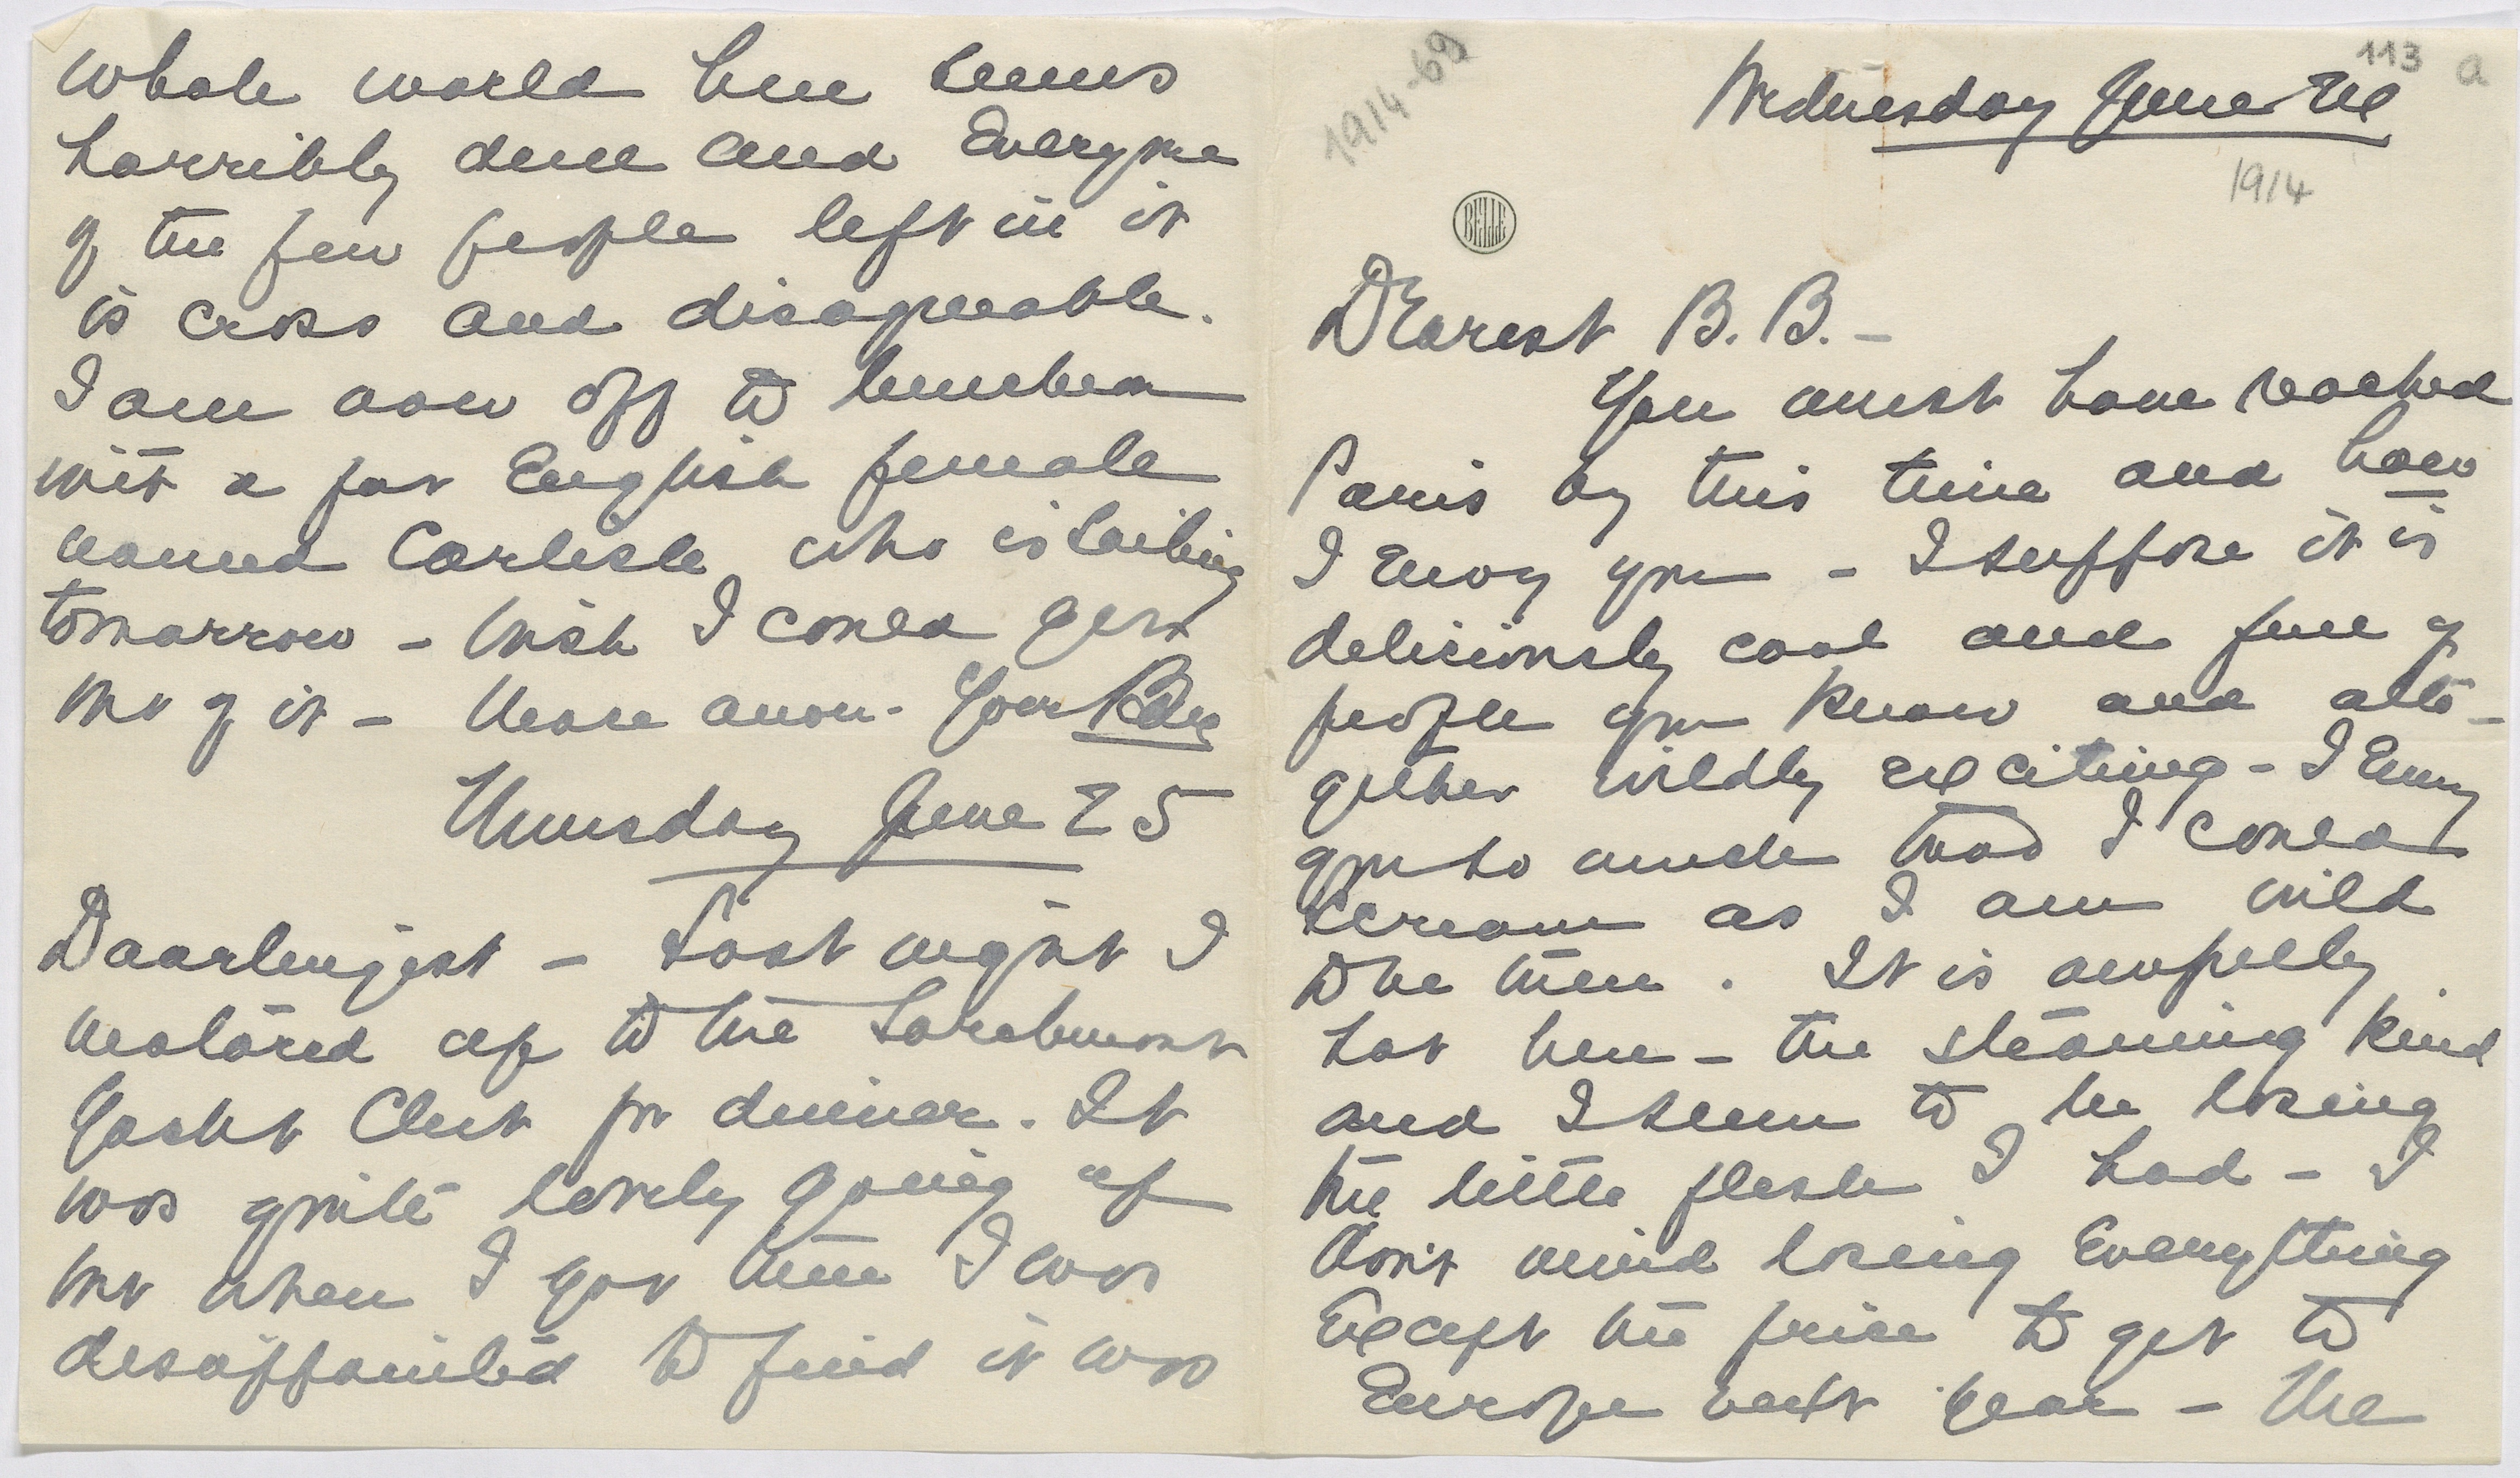Wednesday, June 24
Dearest B. B. –
You must have reached Paris by this time and how I envy you – I suppose it is deliciously cool and full of people you know and altogether wildly exciting – I envy you so much that I could scream as I am wild to be there. It is awfully hot here – the steaming kind and I seem to be losing the little flesh I had – I don’t mind losing everything except the price to get to Europe next year – The
whole world here seems horribly dull and everyone of the few people left in it is cross and disagreeable. I am now off to luncheon with a fat English female named Carlisle who is sailing tomorrow – wish I could get out of it – more anon – Your Belle
Thursday June 25
Daarlingest – Last night I motored up to the Larchmont Yacht Club for dinner – It was quite lovely going up but when I got there I was disappointed to find it was